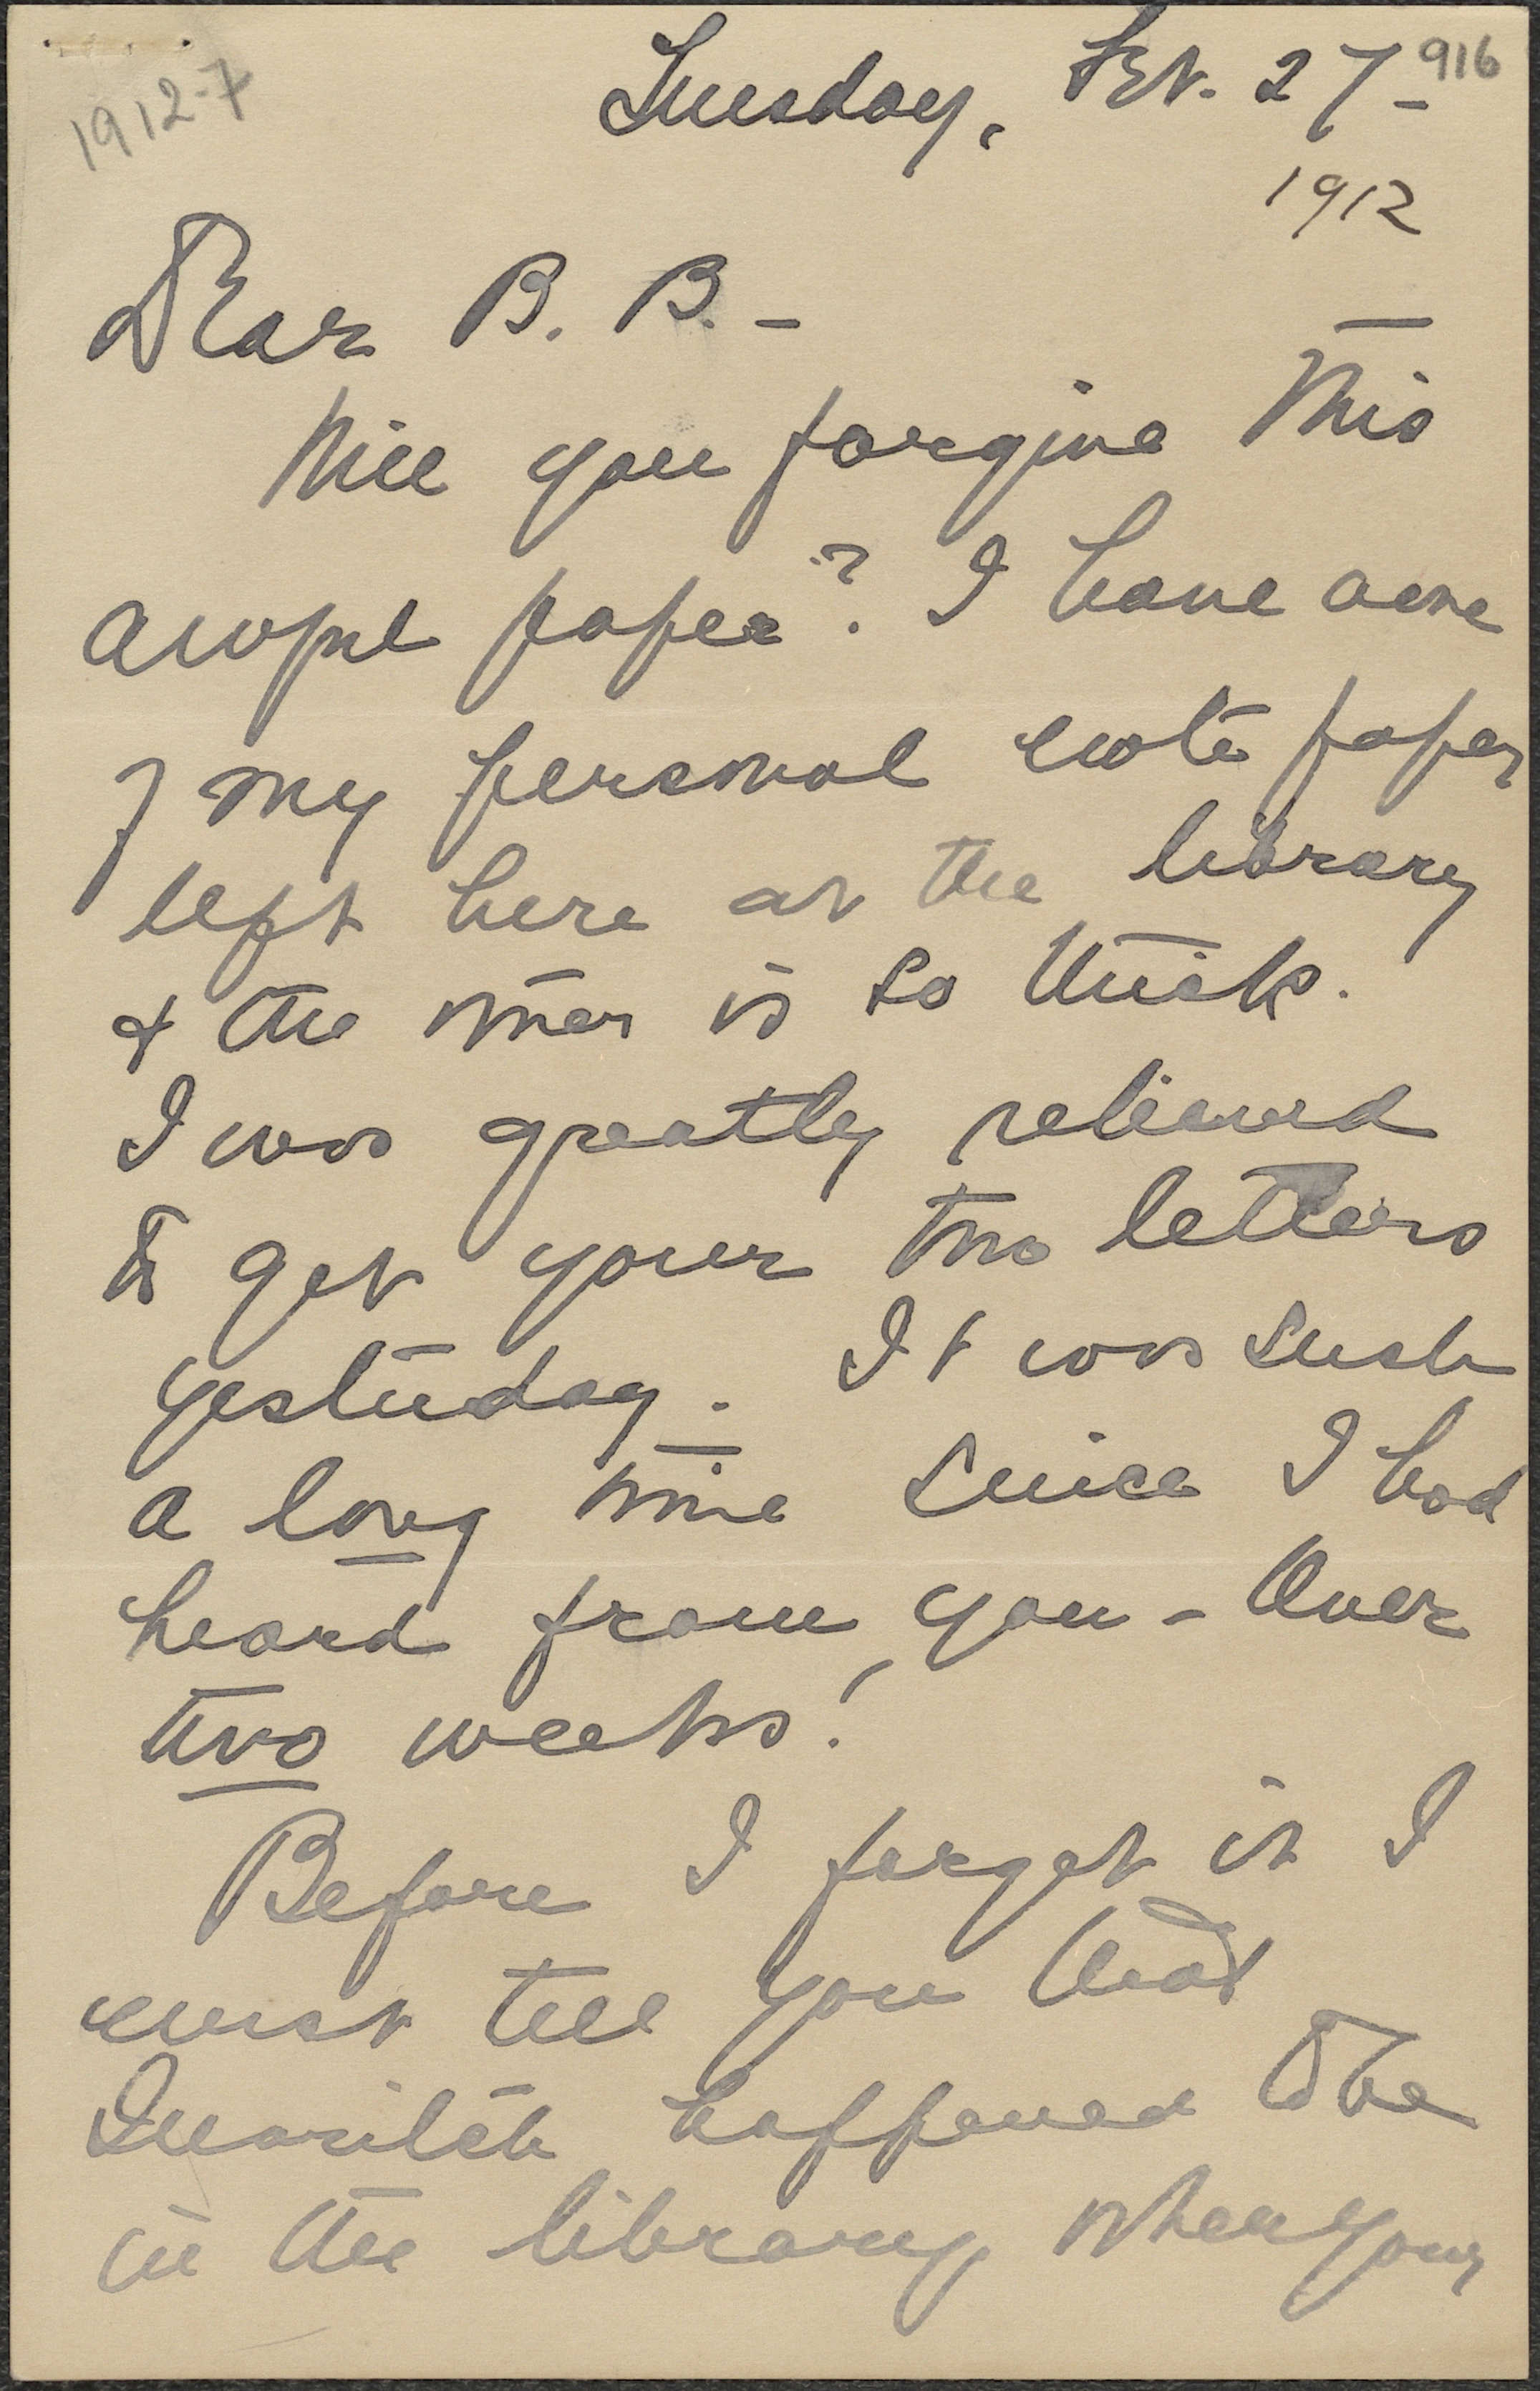Tuesday, Feb. 27 –
Dear B. B. –
Will you forgive this awful paper? I have none of my personal note paper left here at the library & the other is so thick.
I was greatly relieved to get your two letters yesterday. It was such a long time since I had heard from you – Over two weeks!
Before I forget it I must tell you that Quaritch happened to be in the library when your